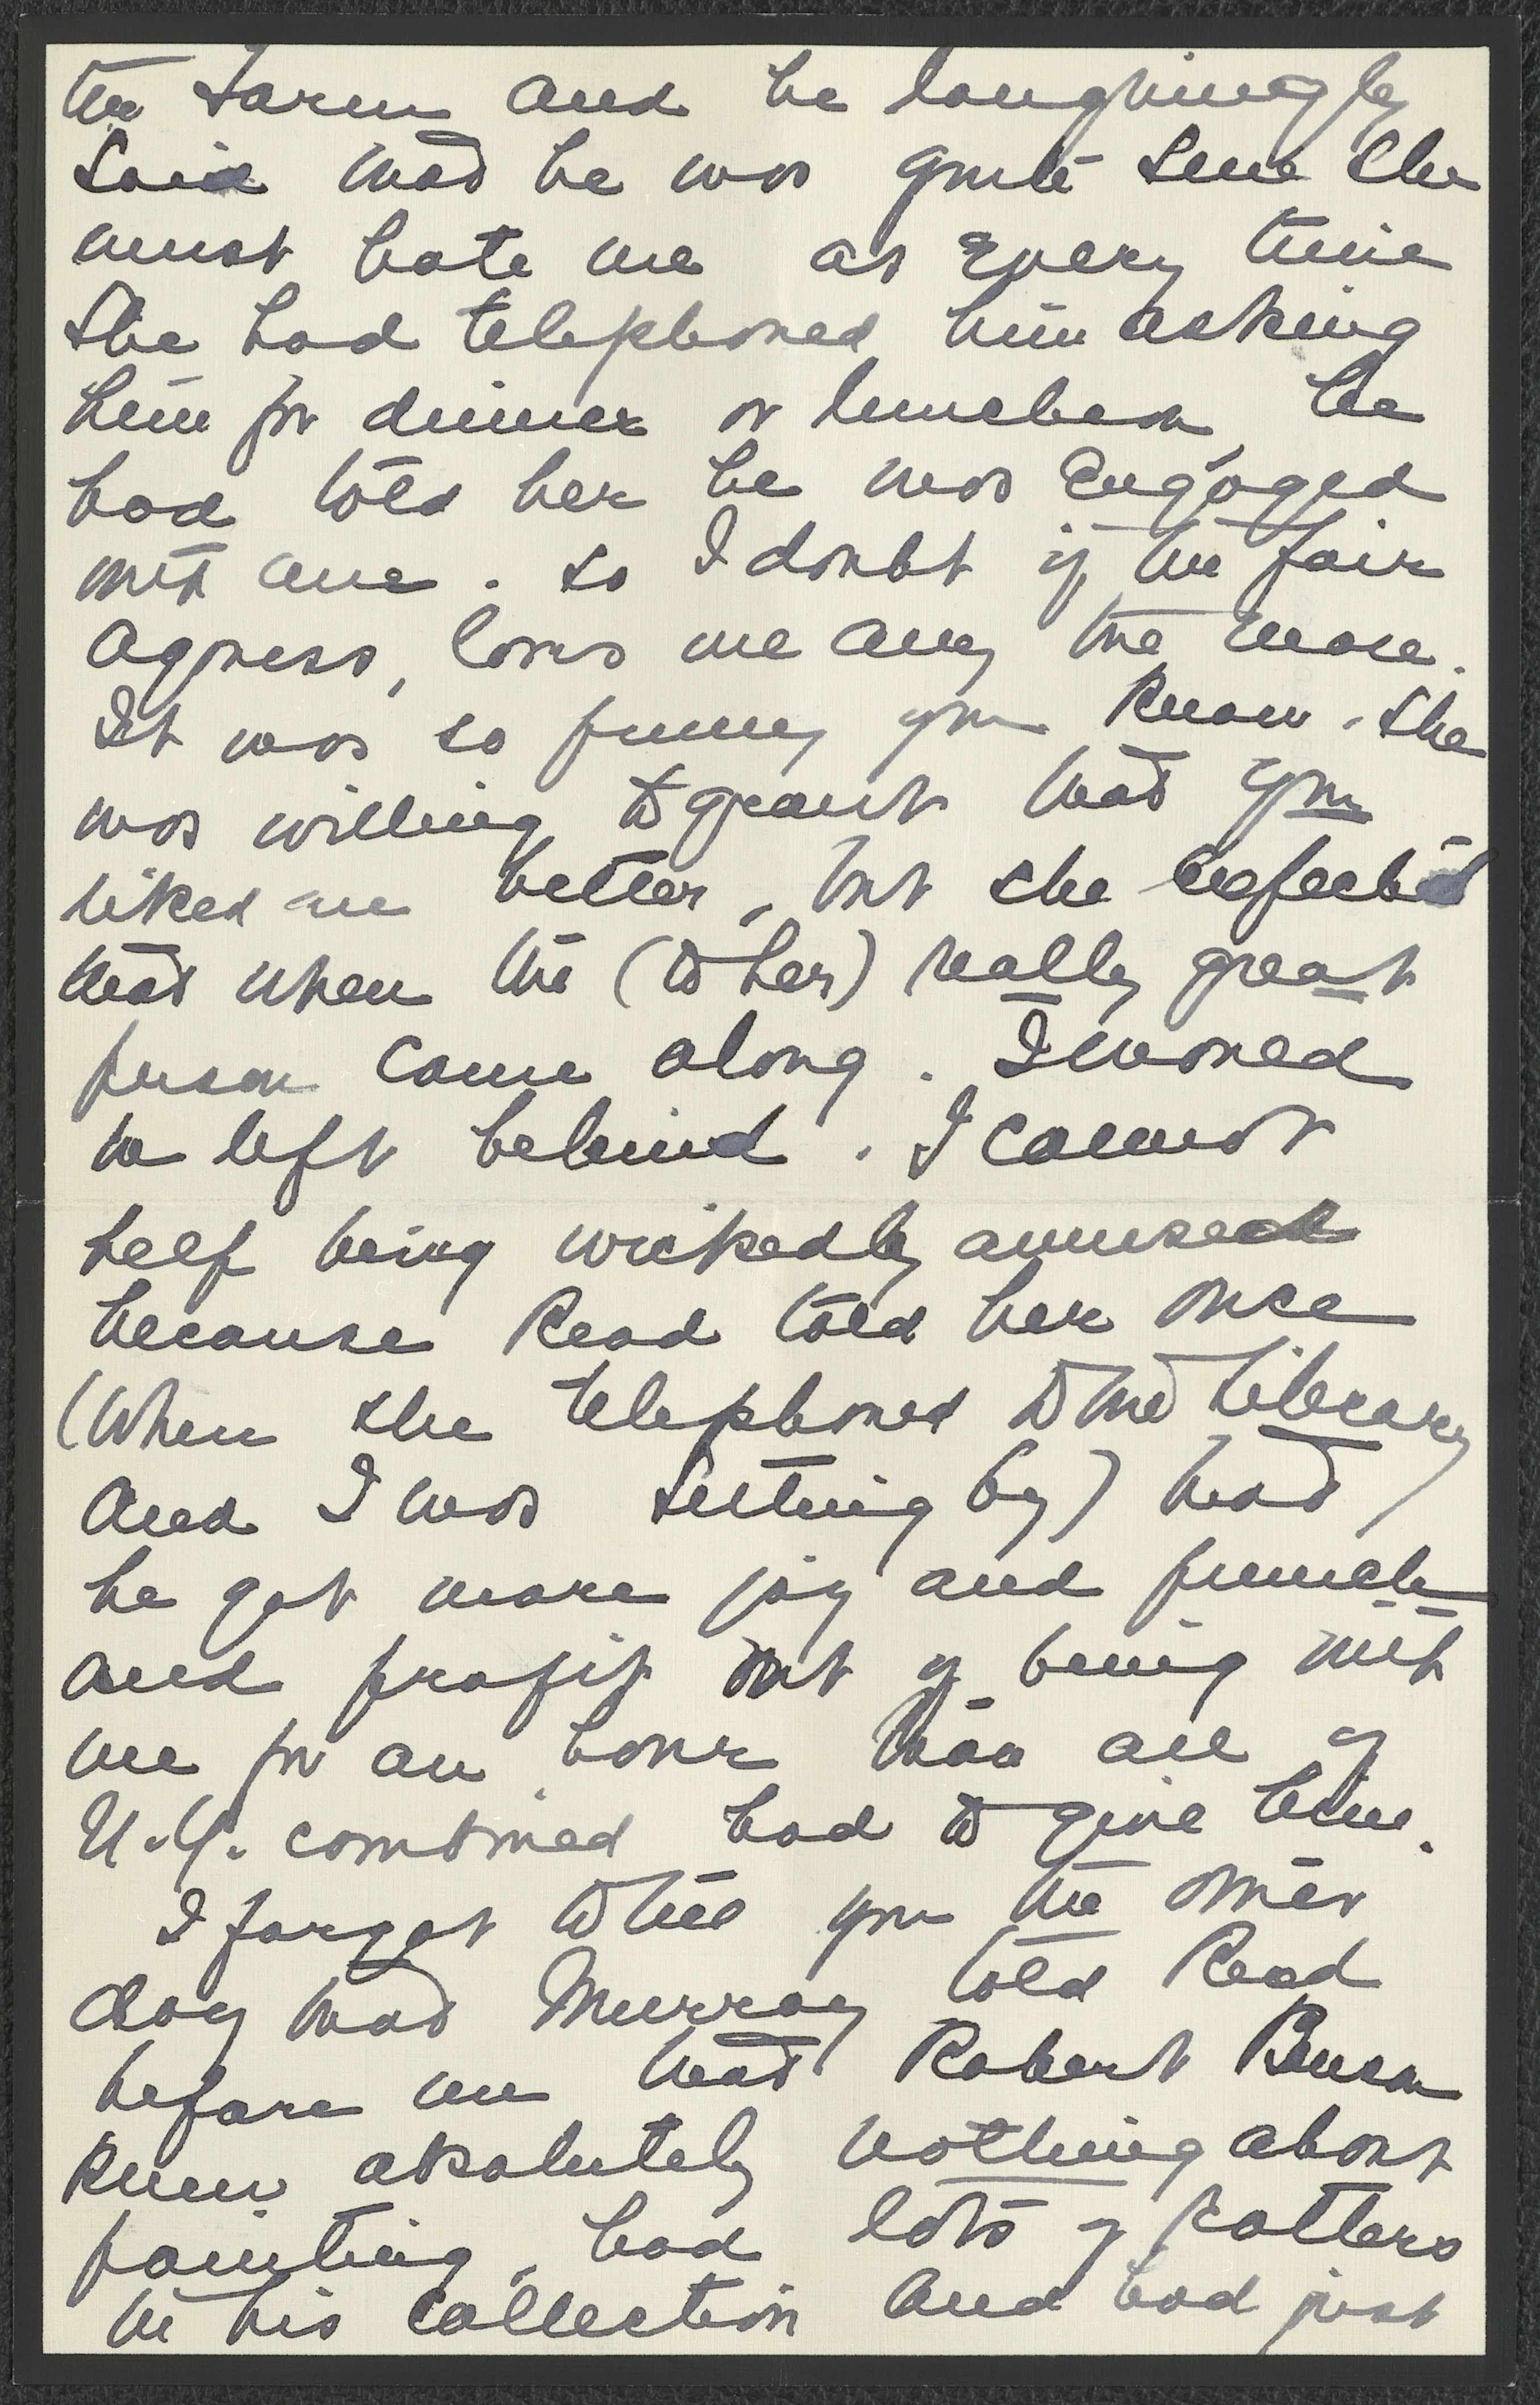the Farm and he laughingly said that he was quite sure she must hate me as every time she had telephoned him asking him for dinner or luncheon, he had told her he was engaged with me. So I doubt if the fair Agoness, loves me any the more. It was so funny you know, she was willing to grant that you liked me better, but she expected that when the (to her) really great person came along, I would be left behind. I cannot help being wickedly amused because Read told her once (when she telephoned to the Library and I was sitting by) that he got more joy and punch and profit out of being with me for an hour than all of N.Y. combined had to give him.
I forgot to tell you the other day that Murray told Read before me that Robert Benson knew absolutely nothing about painting, had lots of rotters in his collection and had just